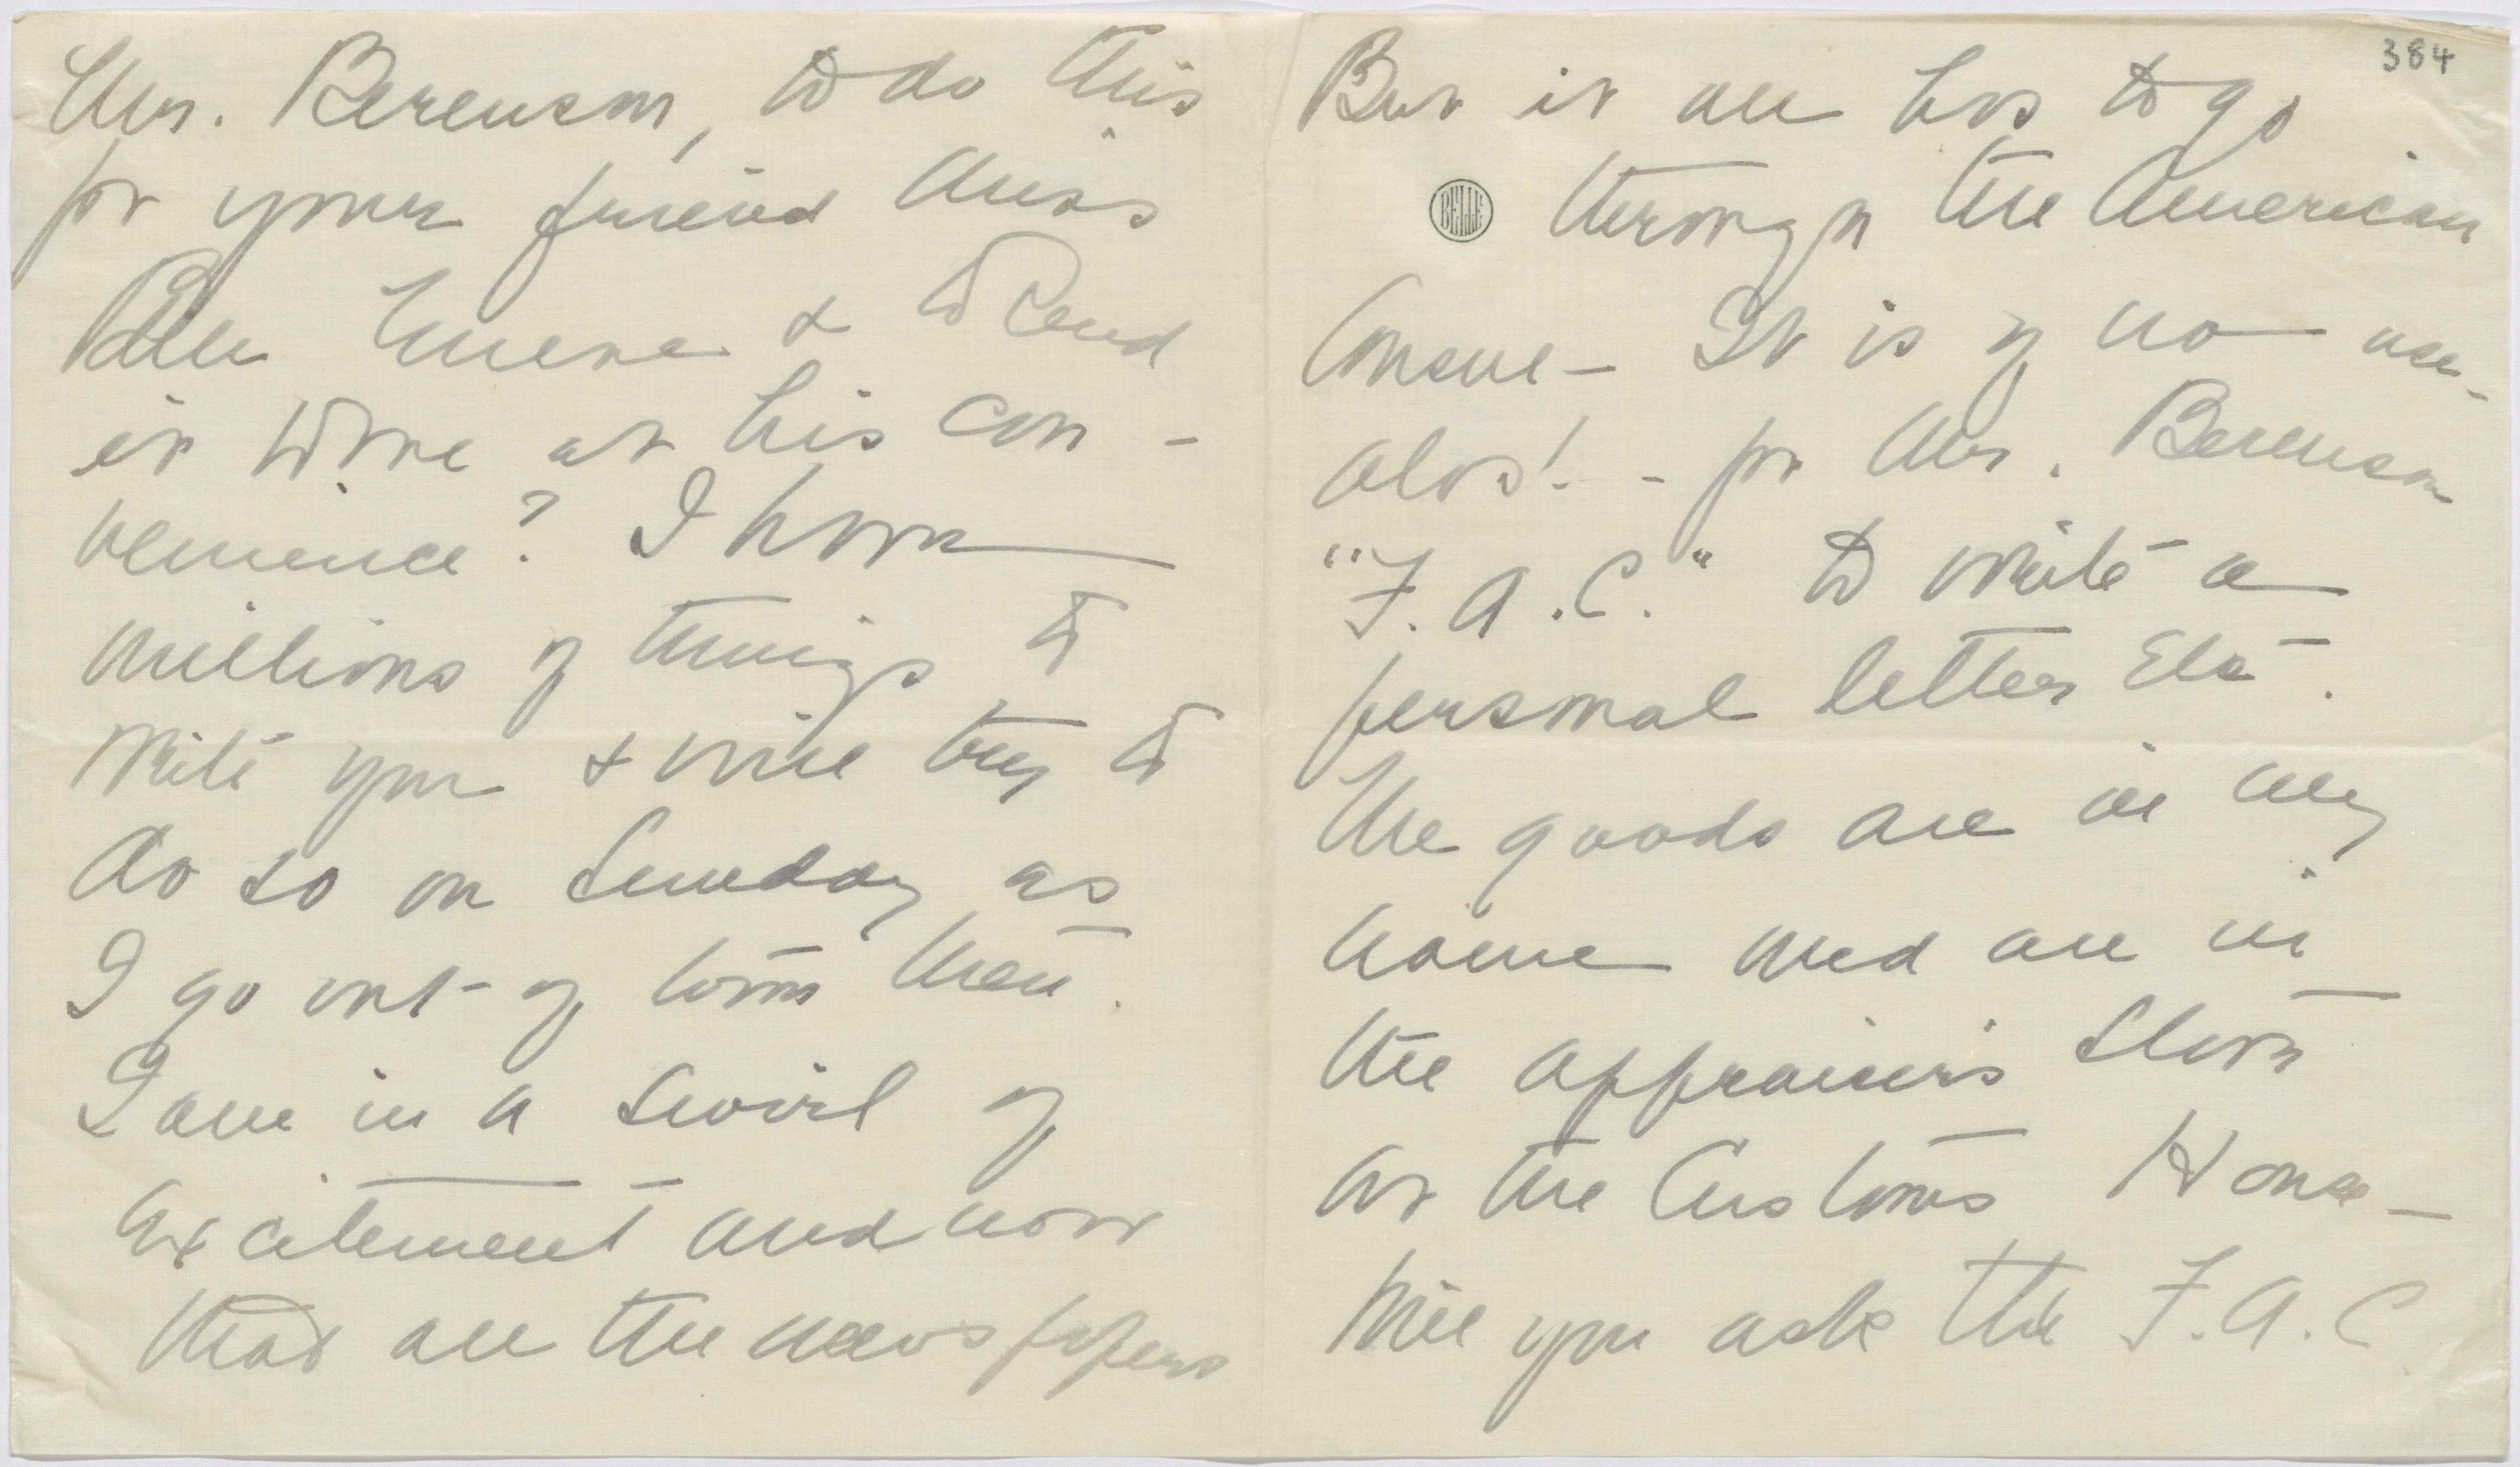But it all has to go through the American Consul – It is of no use – alas! – for Mr. Berenson “F. A. C.” to write a personal letter etc. The goods are in my name and are in the appraiser’s store but the Customs House – will you ask the F. A. C.
Mr. Berenson, to do this for your friend Miss Belle Greene & to send it to me at his convenience? I have millions of things to write you & will try to do so on Sunday as I go out of town then. I am in a swirl of excitement and now that all the news papers